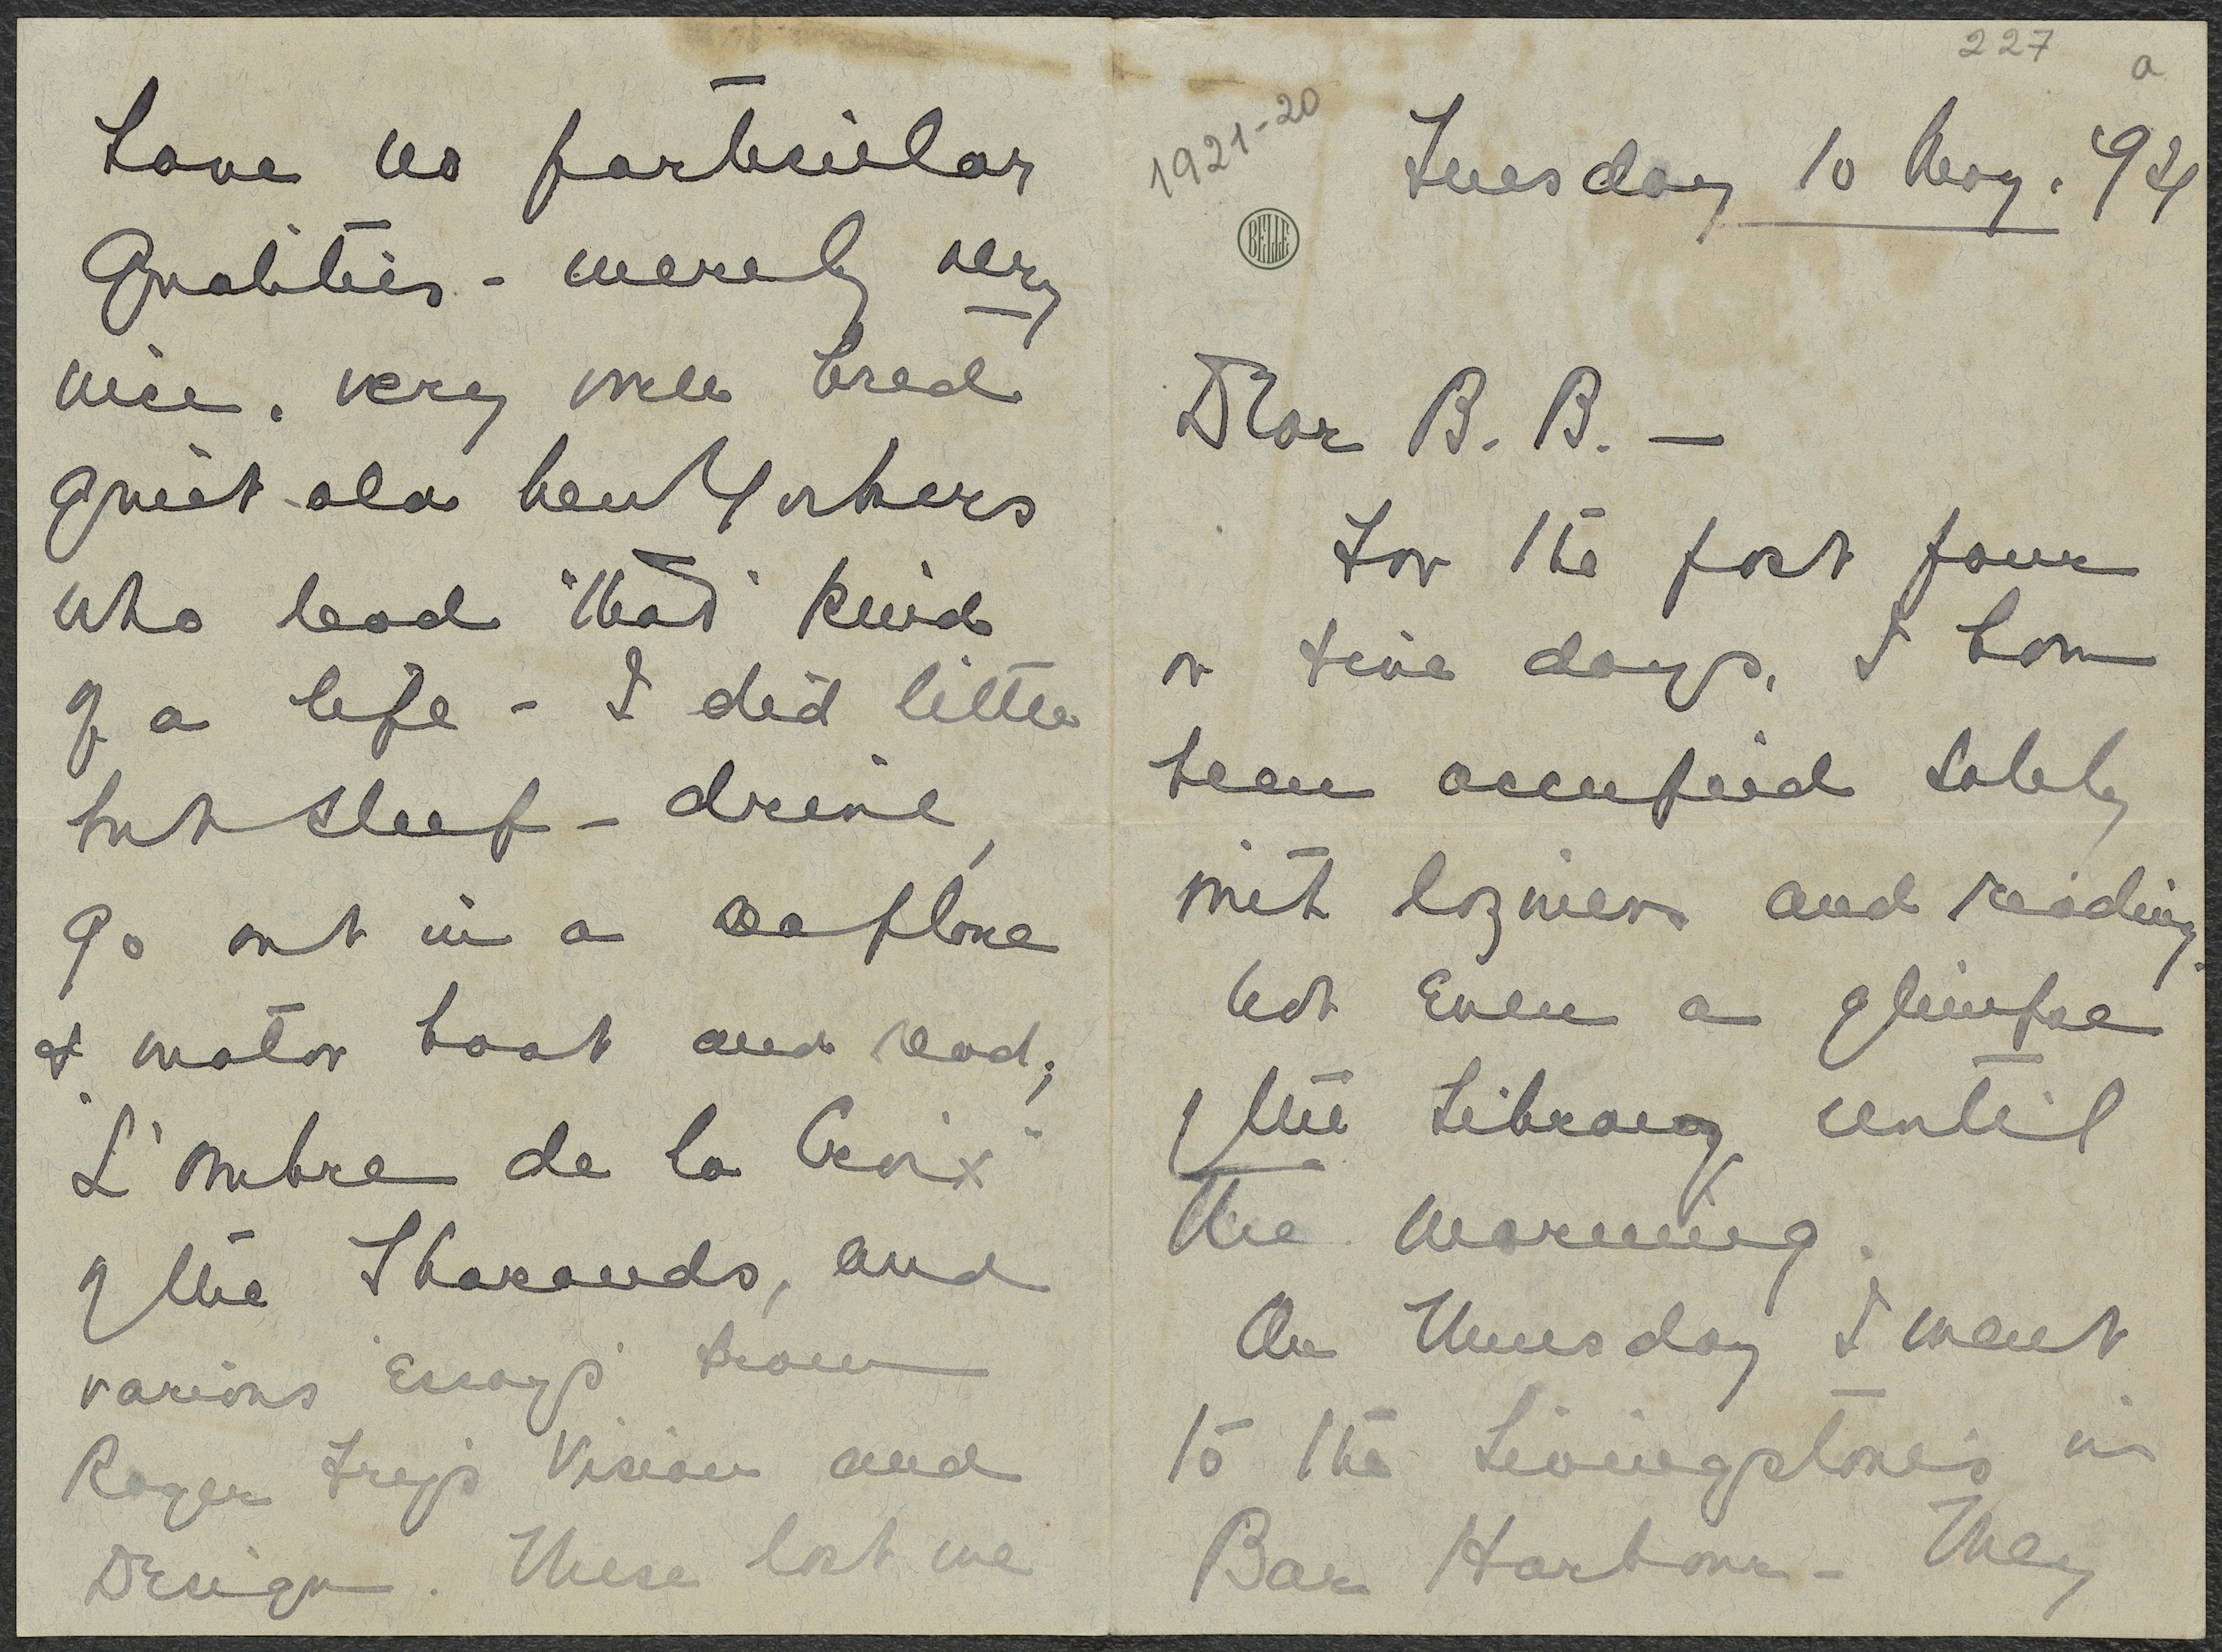Tuesday 10 May, 1921
Dear B.B –
For the past four or five days, I have been occupied solely with laziness and reading – not even a glimpse of the Library until the morning.
On Thursday I went to the Livingstone’s in Bar Harbour – They
have no particular qualities – merely very nice, very well bred quiet old New Yorkers who lead “that” kind of a life – I did little but sleep – drive, go out in a seaplane & water boat and read, “L’ombre de la Croix” of the Tharauds, and various ‘essays’ from Roger Fry’s Vision and Design. These last we